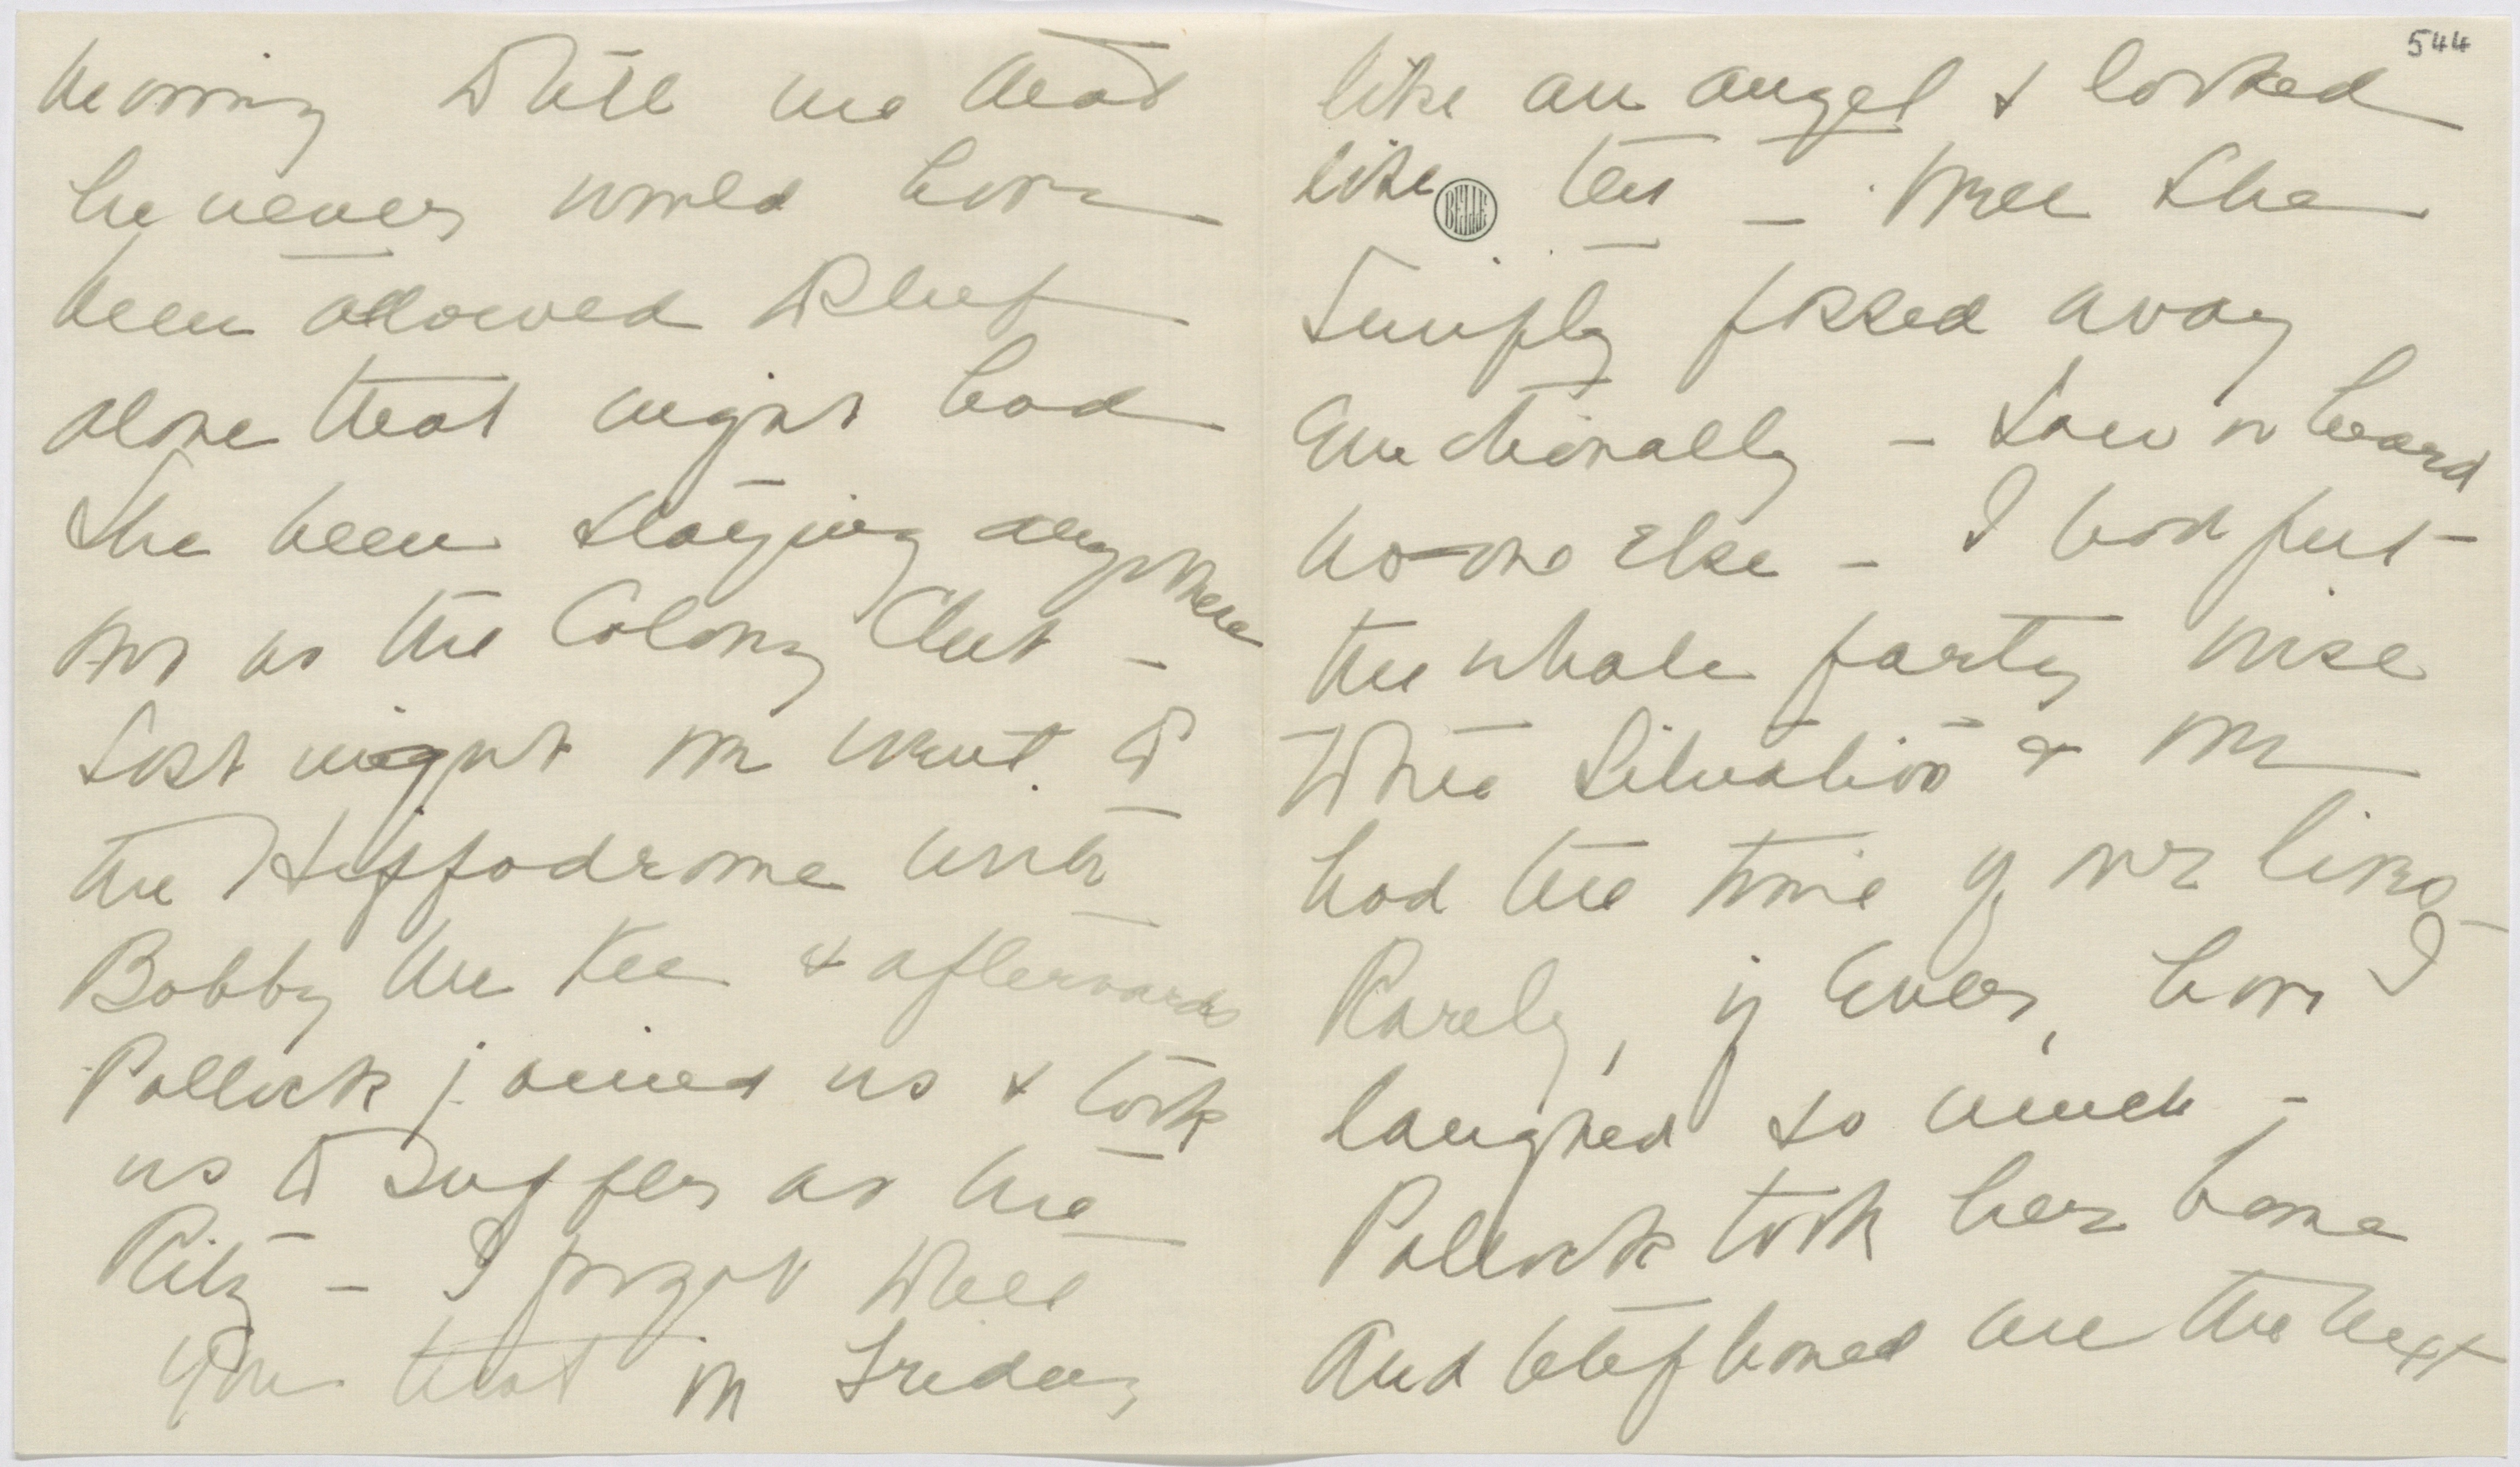like an angel & looked like ten – well she simply passed away emotionally – Saw or heard no-one else – I had put the whole party wise to the situation & we had the time of our lives – Rarely, if ever, have I laughed so much – Pollock took her home and telephoned me the next
morning to tell me that he never would have been allowed to sleep alone that night had she been staying anywhere but at the Colony Club – Last night we went to the Hippodrome with Bobby McKee & afterwards Pollock joined us & took us to supper at the Ritz – I forgot to tell you that on Friday